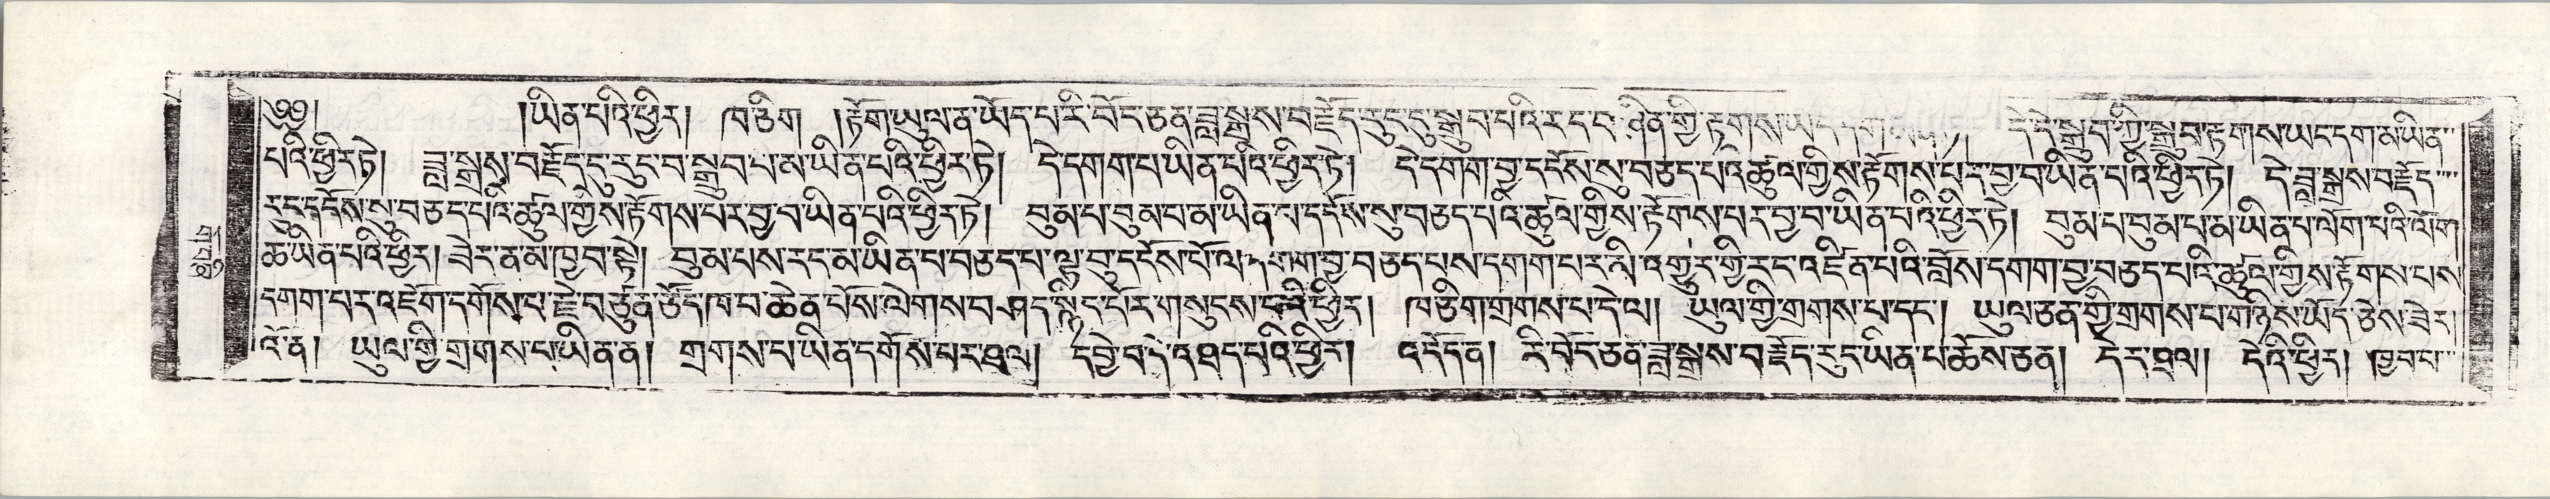༄༅། །ཡིན་པའི་ཕྱིར། ཁ་ཅིག །རྟོག་ཡུལ་ན་ཡོད་པ་རི་བོང་ཅན་ཟླ་སྒྲས་བརྗོད་རུང་དུ་སྒྲུབ་པའི་རང་བཞིན་གྱི་རྟགས་ཡང་དག་མིན་ཏེ། དེ་དེ་སྒྲུབ་ཀྱི་སྒྲུབ་རྟགས་ཡང་དག་མ་ཡིན་
པའི་ཕྱིར་ཏེ། ཟླ་སྒྲས་བརྗོད་དུ་རུང་བ་སྒྲུབ་པ་མ་ཡིན་པའི་ཕྱིར་ཏེ། དེ་དགག་པ་ཡིན་པའི་ཕྱིར་ཏེ། དེ་དགག་བྱ་དངོས་སུ་བཅད་པའི་ཚུལ་གྱིས་རྟོགས་པར་བྱ་བ་ཡིན་པའི་ཕྱིར་ཏེ། དེ་ཟླ་སྒྲས་བརྗོད་
རུང་དངོས་སུ་བཅད་པའི་ཚུལ་གྱིས་རྟོགས་པར་བྱ་བ་ཡིན་པའི་ཕྱིར་ཏེ། བུམ་པ་བུམ་པ་མ་ཡིན་པ་དངོས་སུ་བཅད་པའི་ཚུལ་གྱིས་རྟོགས་པར་བྱ་བ་ཡིན་པའི་ཕྱིར་ཏེ། བུམ་པ་བུམ་པ་མ་ཡིན་པ་ལོག་པའི་ལོག་
ཆ་ཡིན་པའི་ཕྱིར། ཟེར་ན་མ་ཁྱབ་སྟེ། བུམ་པས་རང་མ་ཡིན་པ་བཅད་པ་ལྟ་བུ་དངོས་པོ་ལ་དགག་བྱ་བཅད་པས་དགག་པར་མི་འགྱུར་གྱི་རང་འཛིན་པའི་བློས་དགག་བྱ་བཅད་པའི་ཚུལ་གྱིས་རྟོགས་པས་
དགག་པར་འཇོག་དགོས་པ་རྗེ་བཙུན་ཙོང་ཁ་བ་ཆེན་པོས་ལེགས་བཤད་སྙིང་པོར་གསུངས་པའི་ཕྱིར། ཁ་ཅིག་གྲགས་པ་དེ་ལ། ཡུལ་གྱི་གྲགས་པ་དང་། ཡུལ་ཅན་གྱི་གྲགས་པ་གཉིས་ཡོད་ཅེས་ཟེར།
འོ་ན། ཡུལ་གྱི་གྲགས་པ་ཡིན་ན། གྲགས་པ་ཡིན་དགོས་པར་ཐལ། དབྱེ་བ་དེ་འཐད་པའི་ཕྱིར། འདོད་ན། རི་བོང་ཅན་ཟླ་སྒྲས་བརྗོད་རུང་ཡིན་པ་ཆོས་ཅན། དེར་ཐལ། དེའི་ཕྱིར། ཁྱབ་པ་